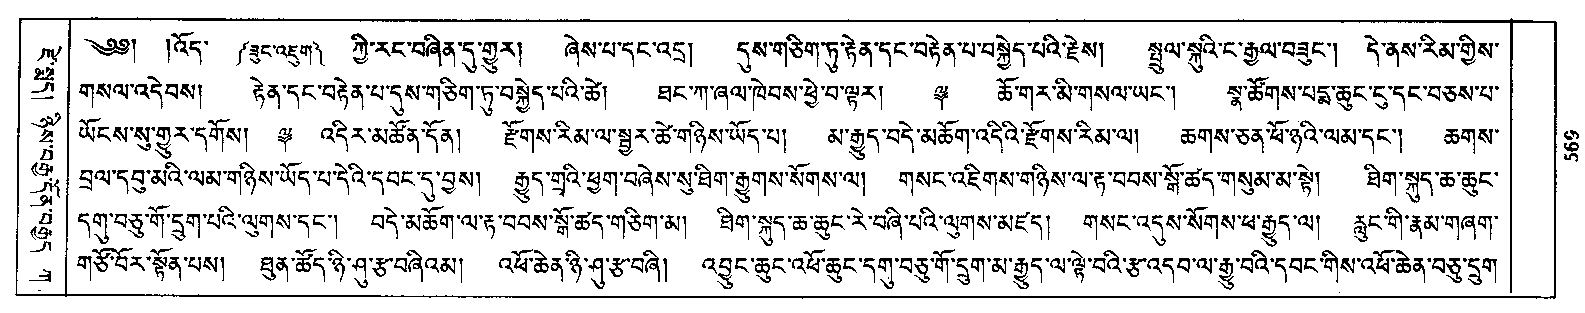༄༅། །འོད་?ཟུང་འཇུག་ཀྱི་རང་བཞིན་དུ་གྱུར། ཞེས་པ་དང་འདྲ། དུས་གཅིག་ཏུ་རྟེན་དང་བརྟེན་པ་བསྐྱེད་པའི་རྗེས། སྤྲུལ་སྐུའི་ང་རྒྱལ་བཟུང་། དེ་ནས་རིམ་གྱིས་
གསལ་འདེབས། རྟེན་དང་བརྟེན་པ་དུས་གཅིག་ཏུ་བསྐྱེད་པའི་ཚེ། ཐང་ཀ་ཞལ་ཁེབས་ཕྱེ་བ་ལྟར། ༈ ཆོ་གར་མི་གསལ་ཡང་། སྣ་ཚོགས་པདམ་ཆུང་ངུ་དང་བཅས་པ་
ཡོངས་སུ་གྱུར་དགོས། ༈ འདིར་མཚོན་དོན། རྫོགས་རིམ་ལ་སྦྱར་ཚེ་གཉིས་ཡོད་པ། མ་རྒྱུད་བདེ་མཆོག་འདིའི་རྫོགས་རིམ་ལ། ཆགས་ཅན་ཕོ་ཉའི་ལམ་དང་། ཆགས་
བྲལ་དབུ་མའི་ལམ་གཉིས་ཡོད་པ་དེའི་དབང་དུ་བྱས། རྒྱུད་གྲྭའི་ཕྱག་བཞེས་སུ་ཐིག་རྒྱུགས་སོགས་ལ། གསང་འཇིགས་གཉིས་ལ་རྟ་བབས་སྒོ་ཚད་གསུམ་མ་སྟེ། ཐིག་སྐུད་ཆ་ཆུང་
དགུ་བཅུ་གོ་དྲུག་པའི་ལུགས་དང་། བདེ་མཆོག་ལ་རྟ་བབས་སྒོ་ཚད་གཅིག་མ། ཐིག་སྐུད་ཆ་ཆུང་རེ་བཞི་པའི་ལུགས་མཛད། གསང་འདུས་སོགས་ཕ་རྒྱུད་ལ། རླུང་གི་རྣམ་གཞག་
གཙོ་བོར་སྟོན་པས། ཐུན་ཚོད་ཉི་ཤུ་རྩ་བཞིའམ། འཕོ་ཆེན་ཉི་ཤུ་རྩ་བཞི། འབྱུང་ཆུང་འཕོ་ཆུང་དགུ་བཅུ་གོ་དྲུག་མ་རྒྱུད་ལ་ལྟེ་བའི་རྩ་འདབ་ལ་རྒྱུ་བའི་དབང་གིས་འཕོ་ཆེན་བཅུ་དྲུག་